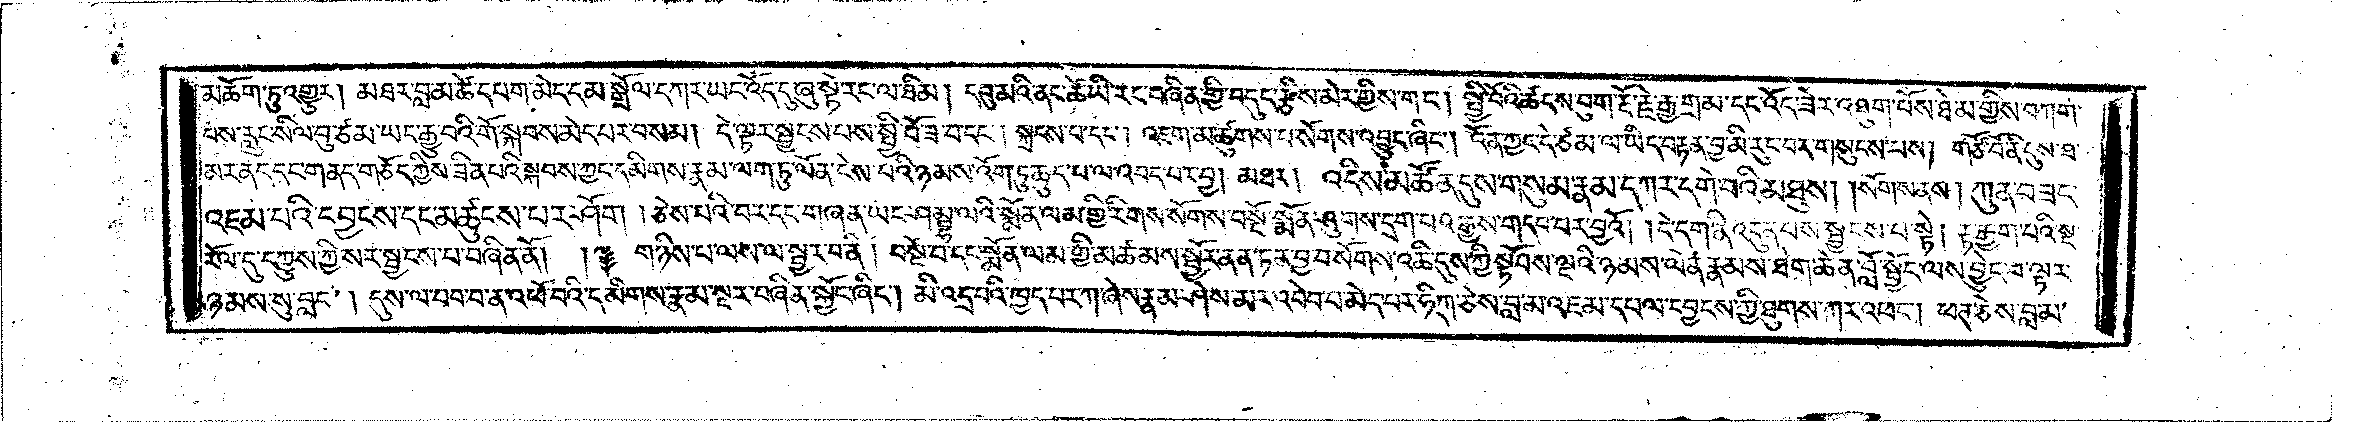མཆོག་ཏུ་འགྱུར། མཐར་བླ་མ་ཚེ་དཔག་མེད་དམ་སྒྲོལ་དཀར་ཡང་འོད་དུ་ཞུ་སྟེ་རང་ལ་ཐིམ། དབུ་མའི་ནང་ཚེ་ཡི་རང་བཞིན་གྱི་བདུད་རྩིས་མེར་གྱིས་གང་། སྤྱི་བོའི་ཚངས་བུག་རྡོ་རྗེ་རྒྱ་གྲམ་དང་འོད་ཟེར་འཐུག་པོས་ཐེ་མ་གྱིས་བཀག་
པས་རླུང་སིལ་བུ་ཙམ་ཡང་རྒྱུ་བའི་གོ་སྐབས་མེད་པར་བསམ། དེ་ལྟར་སྦྱངས་པས་སྤྱི་བོ་ཟ་བ་དང་། སྐྲངས་པ་དང་། འཇག་མ་ཚུགས་པ་སོགས་འབྱུང་ཞིང་། འོན་ཀྱང་དེ་ཙམ་ལ་ཡིད་བརྟན་བྱ་མི་རུང་བར་གསུངས་པས། གཙོ་བོ་ནི་དུས་ཐ་
མར་ནད་དང་གནད་གཅོད་ཀྱིས་ཟིན་པའི་སྐབས་ཀྱང་དམིགས་རྣམ་ལག་ཏུ་ལོན་ངེས་པའི་ཉམས་འོག་ཏུ་ཆུད་པ་ལ་འབད་པར་བྱ། མཐར། འདིས་མཚོན་དུས་གསུམ་རྣམ་དཀར་དགེ་བའི་མཐུས། །སོགས་ནས།  ཀུན་བཟང་
འཇམ་དཔའི་དབྱངས་དང་མཚུངས་པར་ཤོག །ཅེས་པའི་བར་དང་གཞན་ཡང་ཤམྦྷ་ལའི་སྨོན་ལམ་གྱི་རིགས་སོགས་བསྔོ་སྨོན་ཤུགས་དྲག་པའི་རྒྱས་གདབ་པར་བྱའོ། །དེ་དག་ནི་འདུན་པས་སྦྱངས་པ་སྟེ། རྟ་རྒྱག་པའི་སྔ་
རོལ་དུ་དཀྱུས་ཀྱི་སར་སྦྱངས་པ་བཞིན་ནོ། ། ༈ གཉིས་པ་ལས་ལ་སྦྱར་བ་ནི། བསྔོ་བ་དང་སྨོན་ལམ་གྱི་མཚམས་སྦྱོར་ནན་ཏན་བྱ་བ་སོགས་འཆི་དུས་ཀྱི་སྟོབས་ལྔའི་ཉམས་ལེན་རྣམས་ཐེག་ཆེན་བློ་སྦྱོང་ལས་བྱུང་བ་ལྟར་
ཉམས་སུ་བླང་། དུས་ལ་བབ་བ་ན་འཕོ་བའི་དམིགས་རྣམ་སྔར་བཞིན་སྐྱོང་ཞིང་། མི་འདྲ་བའི་ཁྱད་པར་ཀ་ཞེས་རྣམ་ཤེས་མར་འབེབ་པ་མེད་པར་ཧིཀ་ཅེས་བླ་མ་འཇམ་དཔལ་དབྱངས་ཀྱི་ཐུགས་ཀར་འཕང་། ཕཊ་ཅེས་བླ་མ་